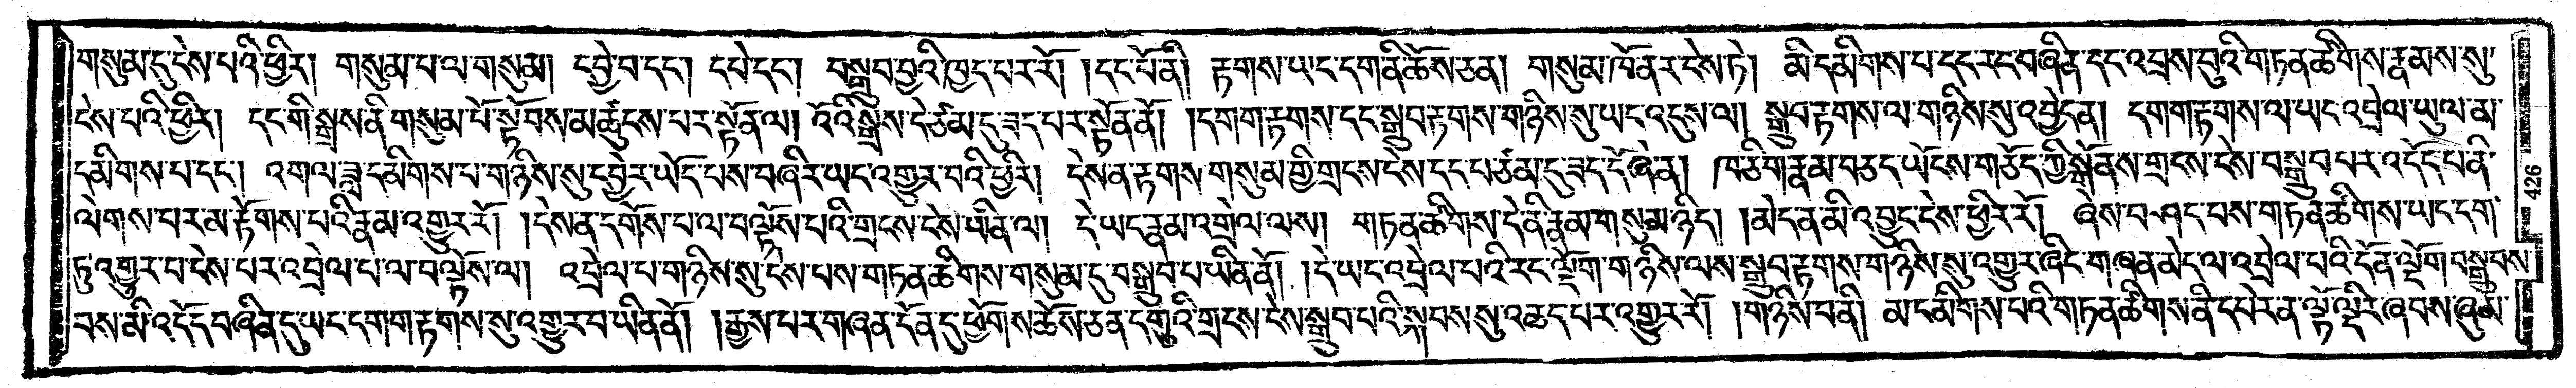གསུམ་དུ་ངེས་པའི་ཕྱིར། གསུམ་པ་ལ་གསུམ། དབྱེ་བ་དང་། དཔེ་དང་། བསྒྲུབ་བྱའི་ཁྱད་པར་རོ། །དང་པོ་ནི། རྟགས་ཡང་དག་ནི་ཆོས་ཅན། གསུམ་ཁོ་ནར་ངེས་ཏེ། མི་དམིགས་པ་དང་རང་བཞིན་དང་འབྲས་བུའི་གཏན་ཚིགས་རྣམས་སུ་
ངེས་པའི་ཕྱིར། དང་གི་སྒྲས་ནི་གསུམ་པོ་སྟོབས་མཚུངས་པར་སྟོན་ལ། འོའི་སྒྲས་དེ་ཙམ་དུ་ཟད་པར་སྟོན་ནོ། །དགག་རྟགས་དང་སྒྲུབ་རྟགས་གཉིས་སུ་ཡང་འདུས་ལ། སྒྲུབ་རྟགས་ལ་གཉིས་སུ་འབྱེད་ན། དགག་རྟགས་ལ་ཡང་འབྲེལ་ཡུལ་མ་
དམིགས་པ་དང་། འགལ་ཟླ་དམིགས་པ་གཉིས་སུ་དབྱེར་ཡོད་པས་བཞིར་ཡང་འགྱུར་བའི་ཕྱིར། དེས་ན་རྟགས་གསུམ་གྱི་གྲངས་ངེས་དད་པ་ཙམ་དུ་ཟད་དོ་ཞེ་ན། ཁ་ཅིག་རྣམ་བཅད་ཡོངས་གཅོད་ཀྱི་སྒོ་ནས་གྲངས་ངེས་བསྒྲུབ་པར་འདོད་པ་ནི་
ལེགས་པར་མ་རྟོགས་པའི་རྣམ་འགྱུར་རོ། །དེས་ན་དགོས་པ་ལ་བལྟོས་པའི་གྲངས་ངེས་ཡིན་ལ། དེ་ཡང་རྣམ་འགྲེལ་ལས། གཏན་ཚིགས་དེ་ནི་རྣམ་གསུམ་ཉིད། །མེད་ན་མི་འབྱུང་ངེས་ཕྱིར་རོ། ཞེས་བཤད་པས་གཏན་ཚིགས་ཡང་དག་
ཏུ་འགྱུར་པ་ངེས་པར་འབྲེལ་པ་ལ་བལྟོས་ལ། འབྲེལ་པ་གཉིས་སུ་ངེས་པས་གཏན་ཚིགས་གསུམ་དུ་བསྒྲུབ་པ་ཡིན་ནོ། །དེ་ཡང་འབྲེལ་བའི་རང་ལྡོག་གཉིས་ལས་སྒྲུབ་རྟགས་གཉིས་སུ་འགྱུར་ཞིང་གཞན་མེད་ལ་འབྲེལ་པའི་དོན་ལྡོག་བསྒྲུབས་
པས་མི་འདོད་བཞིན་དུ་ཡང་དགག་རྟགས་སུ་འགྱུར་བ་ཡིན་ནོ། །རྒྱས་པར་གཞན་དོན་དུ་ཕྱོགས་ཆོས་ཅན་དགུའི་གྲངས་ངེས་སྒྲུབ་པའི་སྐབས་སུ་འཆད་པར་འགྱུར་རོ། །གཉིས་པ་ནི། མ་དམིགས་པའི་གཏན་ཚིགས་ནི་དཔེར་ན་ལྟོ་ལྡིར་ཞབས་ཞུམ་